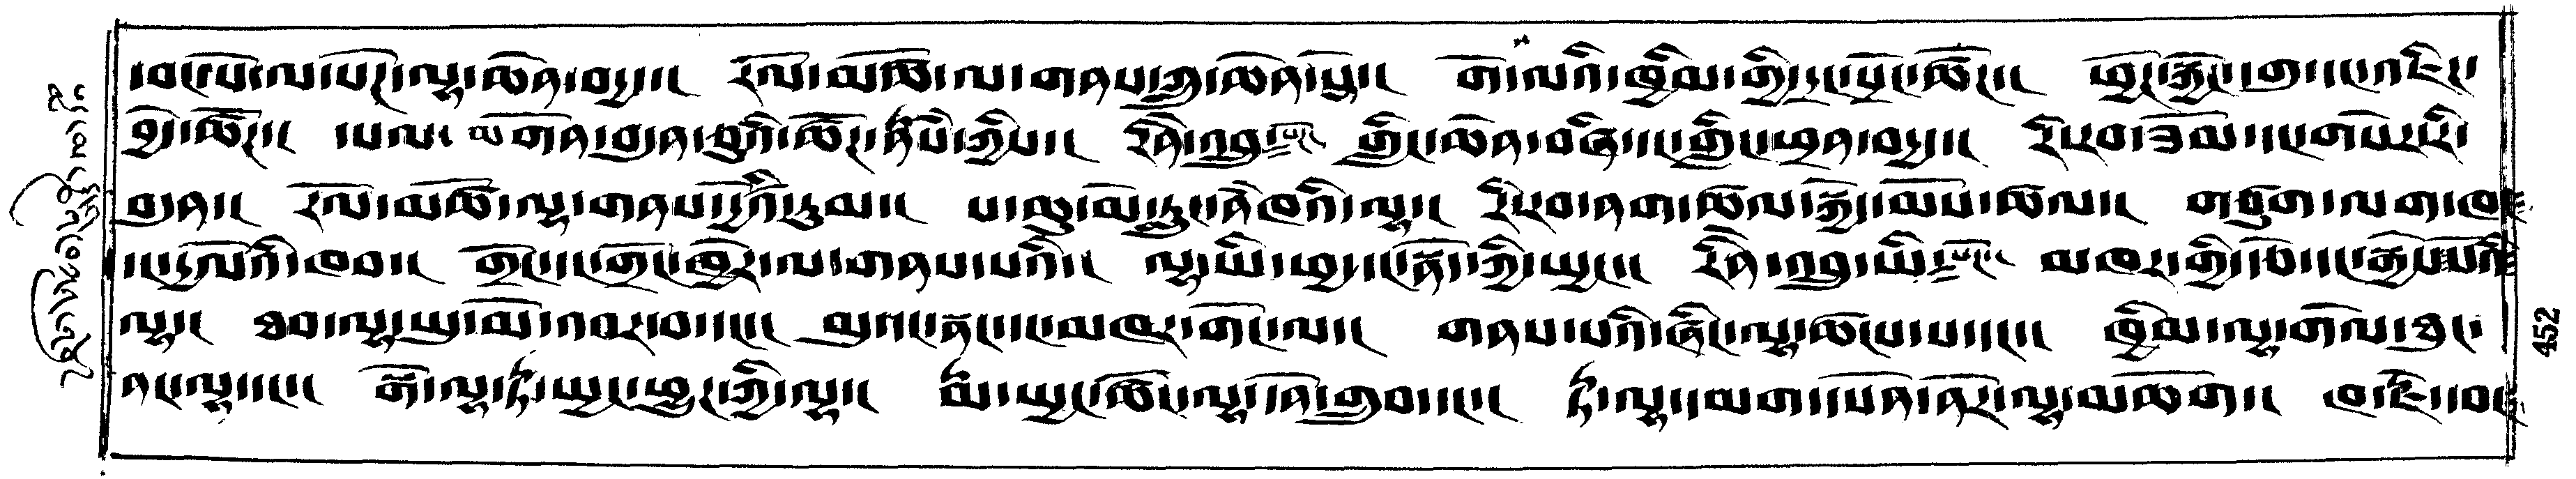དབང་པོ་ལ་སོགས་ལྷ་ཆེན་བརྒྱད། །རོལ་མཚོ་ལ་གནས་ཀླུ་ཆེན་སྡེ། །གོ་ལའི་ཁྱིམ་གྱི་དྲང་སྲོང་ཚོགས། །ཕྱོགས་སྐྱོང་དགུ་དང་འཇིགས་
བྱེད་ཚོགས། །དཔལ་མགོན་བདུན་ཅུའི་ཚོགས་རྣམས་ཀྱིས། རིན་ཆེན་འབྲུ༴ སོགས། གླིང་ཆེན་བཞི་དང་གླིང་ཕྲན་བརྒྱད། །རི་རབ་ཟོམ་དང་གསེར་རི་
བདུན། །རོལ་མཚོ་ལྷ་གནས་རྒྱ་མཚོའི་རུམ། །ས་ཆུ་མེ་རླུང་ནམ་མཁའི་ལྷ། །རི་རབ་ནགས་ཚལ་སྐྱེད་མོས་ཚལ། །གཙུག་ལག་ཁང་
དང་རྒྱལ་པོའི་ཁབ། །གྲོང་དང་གྲོང་ཁྱེར་ལ་གནས་པའི། །ལྷ་ཡི་ཕྱྭ་དང་སྣོད་ཀྱི་གཡང་། །རིན་ཆེན་འབྲུ་ཡི༴ སོགས། མཁར་གྱི་རྩེ་དང་སྒྱེས་པོའི་
ལྷ། །ཐབ་ལྷ་ཡུ་མོ་འབར་བ་དང་། །མུ་དང་སྣང་དང་མཁར་གོང་ལ། །གནས་པའི་ཞིང་ལྷ་ཚངས་པ་དང་། ཁྱིམ་ལྷ་གེལ་ཐུང་
ནང་ལྷ་དང་། །སྒོ་ལྷ་རྟ་གཡང་ཕྱུགས་ཀྱི་ལྷ། །རྨ་གཡང་ཚོགས་ལྷ་དོན་གྲུབ་དང་། །རྟ་ལྷ་དམག་དཔོན་ནོར་ལྷ་མཆོག །ཁ་རྗེ་དབང་